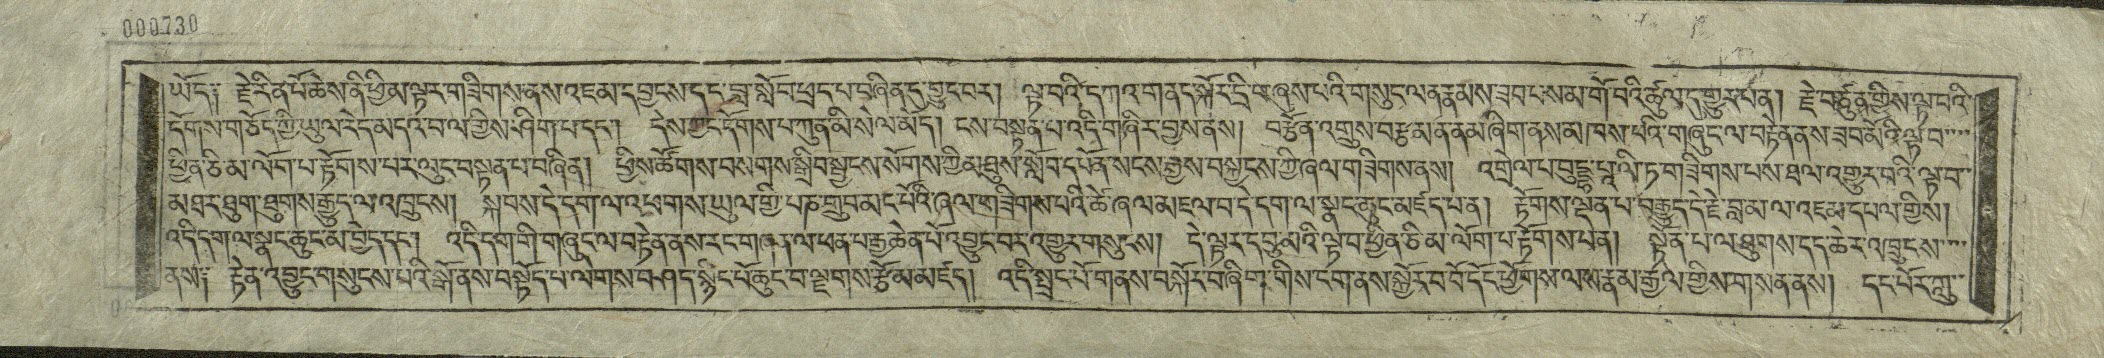ཡོད༑ རྗེ་རིན་པོ་ཆེས་ནི་ཕྱི་མ་ལྟར་གཟིགས་ནས་འཇམ་དབྱངས་དང་བླ་སློབ་ཕྲད་པ་བཞིན་དུ་བྱུང་བར། ལྟ་བའི་དཀའ་གནད་སྐོར་དྲི་བ་ཞུས་པའི་གསུང་ལན་རྣམས་ཟབ་པས་མ་གོ་བའི་ཚུལ་དུ་གྱུར་པ་ན། རྗེ་བཙུན་གྱིས་ལྟ་བའི་
དོགས་གཅོད་ཀྱི་ཡུལ་རེད་མདའ་བ་ལ་གྱིས་ཤིག་པ་དང་། དེས་ཀྱང་དོགས་པ་ཀུན་མི་སེལ་མོད། ངས་བསྟན་པ་འདི་གཞིར་བྱས་ནས། བརྩོན་འགྲུས་བརྩམ་ན་ནམ་ཞིག་ནས་མཁས་པའི་གཞུང་ལ་བརྟེན་ནས་ཟབ་མོའི་ལྟ་བ་
ཕྱིན་ཅི་མ་ལོག་པ་རྟོགས་པར་ལུང་བསྟན་པ་བཞིན། ཕྱིས་ཚོགས་བསགས་སྒྲིབ་སྦྱངས་སོགས་ཀྱི་མཐུས་སློབ་དཔོན་སངས་རྒྱས་བསྐྱངས་ཀྱི་ཞལ་གཟིགས་ནས། འགྲེལ་པ་བུདྡྷ་པཱ་ལི་ཏ་གཟིགས་པས་ཐལ་འགྱུར་བའི་ལྟ་བ་
མཐར་ཐུག་ཐུགས་རྒྱུད་ལ་འཁྲུངས། སྐབས་དེ་དག་ལ་འཕགས་ཡུལ་གྱི་པཎ་གྲུབ་མང་པོའི་ཞལ་གཟིགས་པའི་ཚེ་ཞལ་མཇལ་བ་དེ་དག་ལ་སྣང་ཆུང་མཛད་པ་ན། རྟོགས་ལྡན་པ་བརྒྱུད་དེ་རྗེ་བླ་མ་ལ་འཇམ་དཔལ་གྱིས།
འདི་དག་ལ་སྣང་ཆུང་མ་བྱེད་དང་། འདི་དག་གི་གཞུང་ལ་བརྟེན་ནས་རང་གཞན་ལ་ཕན་པ་རྒྱ་ཆེན་པོ་འབྱུང་བར་འགྱུར་གསུངས། དེ་ལྟར་དབུ་མའི་ལྟ་བ་ཕྱིན་ཅི་མ་ལོག་པ་རྟོགས་པ་ན། སྟོན་པ་ལ་ཐུགས་དད་ཆེར་འཁྲུངས་
ནས༑ རྟེན་འབྱུང་གསུངས་པའི་སྒོ་ནས་བསྟོད་པ་ལེགས་བཤད་སྙིང་པོ་ཆུང་བ་ལྗགས་རྩོམ་མཛད། འདི་སྤྲང་པོ་གནས་བསྐོར་བ་ཞིག་གིས་ངག་ནས་སྐྱོར་བ་བོ་དོང་ཕྱོགས་ལས་རྣམ་རྒྱལ་གྱིས་གསན་ནས། དང་པོར་ཀླུ་